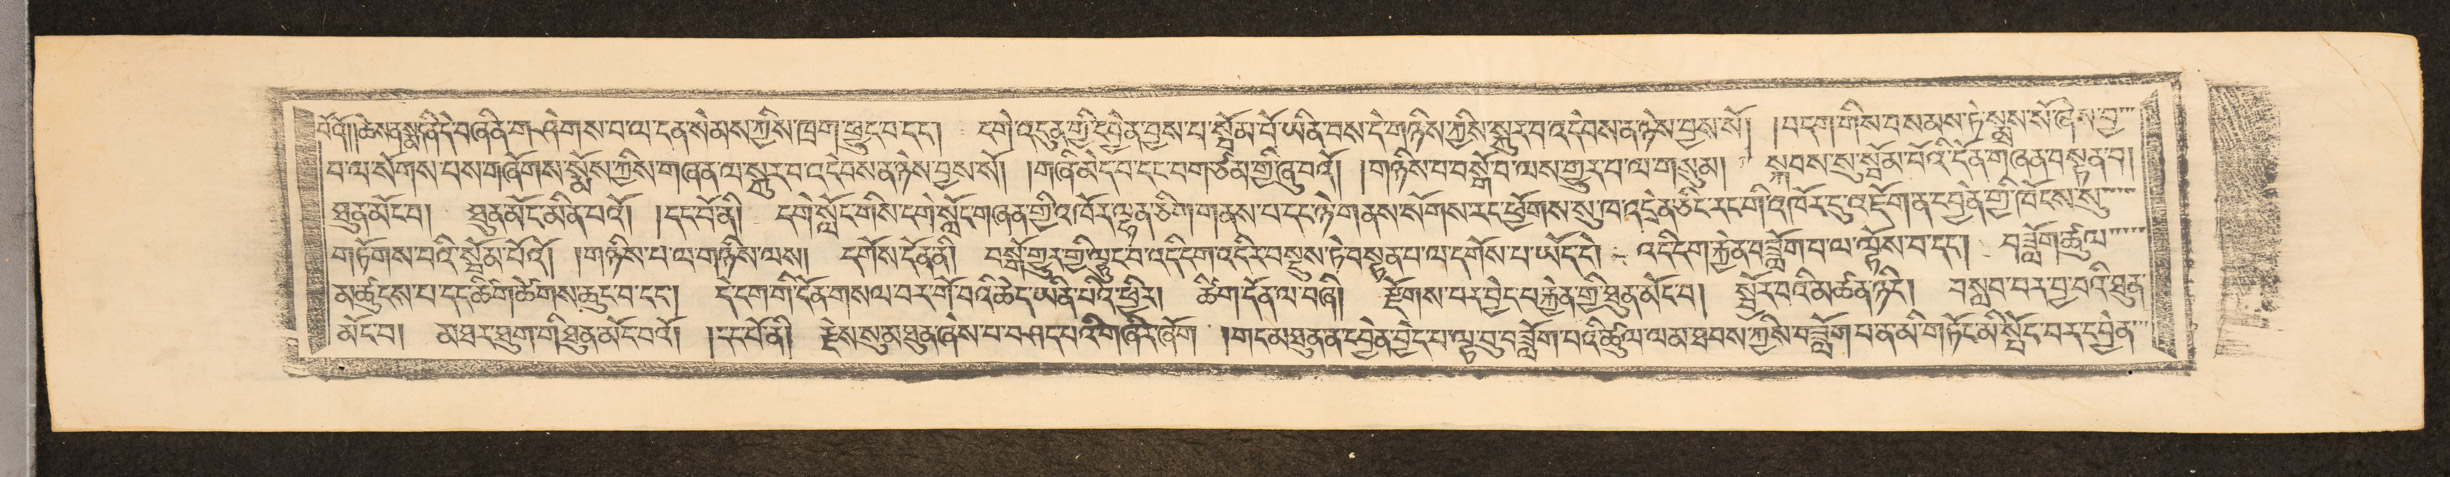པོའོ། །ཆེས་ན་སྨད་ནི་དེ་བཞིན་གཤེགས་པ་ལ་ངན་སེམས་ཀྱིས་ཁྲག་ཕྱུང་བ་དང་། དགེ་འདུན་གྱི་དབྱེན་བྱས་པ་སྦོམ་པོ་ཡིན་པས་དེ་གཉིས་ཀྱིས་སྐུར་བ་འདེབས་ན་ཉེས་བྱས་སོ། །བདག་གིས་བསམས་ཏེ་སྨྲས་སོ་ཞེས་བྱ་
བ་ལ་སོགས་པས་གཞོགས་སྨོས་ཀྱིས་གཞན་ལ་སྐུར་བ་འདེབས་ན་ཉེས་བྱས་སོ། །གཞི་མེད་བ་དང་བག་ཙམ་གྱི་ཞུ་བའོ། །གཉིས་པ་བསྒོ་པ་ལས་གྱུར་པ་ལ་གསུམ། སྐབས་སུ་སྦོམ་པོའི་དོན་གཞན་བསྟན་པ།
ཐུན་མོང་བ། ཐུན་མོང་མིན་པའོ། །དང་པོ་ནི། དགེ་སློང་གིས་དགེ་སློང་གཞན་གྱི་འཁོར་ལྷན་ཅིག་གནས་པ་དང་ཉེ་གནས་སོགས་རང་ཕྱོགས་སུ་ཁ་འདྲེན་ཅིང་རང་གི་འཁོར་དུ་འཇོག་ན་དབྱེན་གྱི་ཁོངས་སུ་
གཏོགས་པའི་སྦོམ་པོའོ། །གཉིས་པ་ལ་གཉིས་ལས། དགོས་དོན་ནི། བསྒོ་གྱུར་གྱི་ལྟུང་བ་འདི་ངག་འདིར་བསྡུས་ཏེ་བསྟན་པ་ལ་དགོས་པ་ཡོད་དེ། འདི་དག་རྐྱེན་བཟློག་པ་ལ་ལྟོས་པ་དང་། བཟློག་ཚུལ་
མཚུངས་པ་དང་ཚིག་ཚེགས་ཆུང་བ་དང་། དེ་དག་གི་དོན་གསལ་བར་གོ་བའི་ཆེད་ཡིན་པའི་ཕྱིར། ཚིག་དོན་ལ་བཞི། རྫོགས་པར་བྱེད་པ་རྐྱེན་གྱི་ཐུན་མོང་བ། སྦྱོར་བའི་མཚན་ཉིད། བསླབ་པར་བྱ་བའི་ཐུན་
མོང་བ། མཐར་ཐུག་གི་ཐུན་མོང་བའོ། །དང་པོ་ནི། རྗེས་སུ་མཐུན་ཞེས་པ་བཤད་པའི་གཞིར་ཞོག །གང་མཐུན་ན་དབྱེན་བྱེད་པ་ལྟ་བུ་བཟློག་པའི་ཚུལ་ལམ་ཐབས་ཀྱིས་བཟློག་པ་ན་མི་གཏོང་མི་སྦོང་བར་དབྱེན་